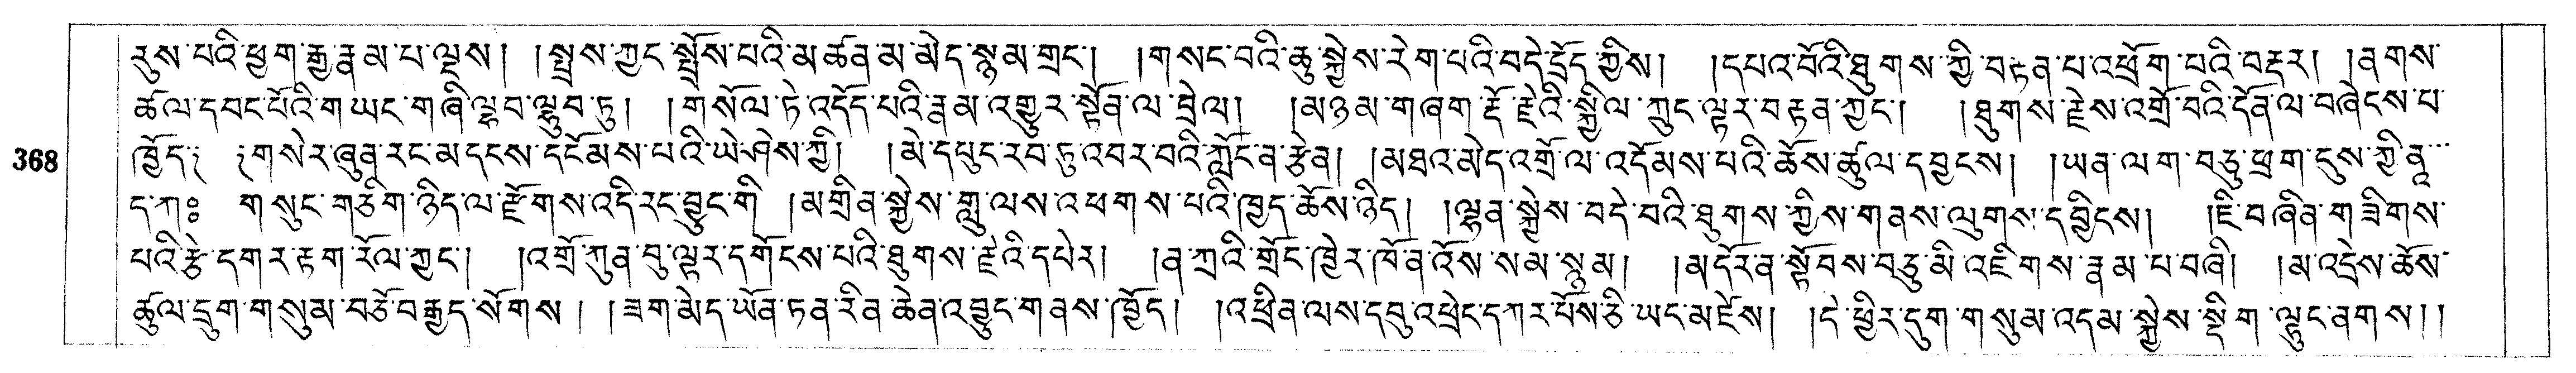རུས་པའི་ཕྱག་རྒྱ་རྣམ་པ་ལྔས། །སྤྲས་ཀྱང་སྤྲོས་པའི་མཚན་མ་མེད་སྙམ་གྲང་། །གསང་བའི་ཆུ་སྐྱེས་རེག་པའི་བདེ་དྲོད་ཀྱིས། །དཔའ་བོའི་ཐུགས་ཀྱི་བརྟན་པ་འཕྲོག་པའི་བརྡར། །ནགས་
ཚལ་དབང་པོའི་གཡང་གཞི་ལྷབ་ལྷུབ་ཏུ། །གསོལ་ཏེ་འདོད་པའི་རྣམ་འགྱུར་སྟོན་ལ་བྲེལ། །མཉམ་གཞག་རྡོ་རྗེའི་སྐྱིལ་ཀྲུང་ལྟར་བརྟན་ཀྱང་། །ཐུགས་རྗེས་འགྲོ་བའི་དོན་ལ་བཞེངས་པ་
ཁྱོད༑ ༑གསེར་ཞུན་རང་མདངས་དངོམས་པའི་ཡེ་ཤེས་ཀྱི། །མེ་དཔུང་རབ་ཏུ་འབར་བའི་ཀློང་ན་རྩེན། །མཐའ་མེད་འགྲོ་ལ་འདོམས་པའི་ཆོས་ཚུལ་དབྱངས། །ཡན་ལག་བཅུ་ཕྲག་དུས་ཀྱི་ནཱ་
ད་ཀཿ གསུང་གཅིག་ཉིད་ལ་རྫོགས་འདི་རང་བྱུང་གི །མགྲིན་སྐྱེས་གླུ་ལས་འཕགས་པའི་ཁྱད་ཆོས་ཉིད། །ལྷན་སྐྱེས་བདེ་བའི་ཐུགས་ཀྱིས་གནས་ལུགས་དབྱིངས། །ཇི་བཞིན་གཟིགས་
པའི་རྩེ་དགར་རྟག་རོལ་ཀྱང་། །འགྲོ་ཀུན་བུ་ལྟར་དགོངས་པའི་ཐུགས་རྗེའི་དཔེར། །ན་ཀྲའི་གྲོང་ཁྱེར་ཁོ་ན་འོས་སམ་སྙམ། །མདོར་ན་སྟོབས་བཅུ་མི་འཇིགས་རྣམ་པ་བཞི། །མ་འདྲེས་ཆོས་
ཚུལ་དྲུག་གསུམ་བཅོ་བརྒྱད་སོགས། །ཟག་མེད་ཡོན་ཏན་རིན་ཆེན་འབྱུང་གནས་ཁྱོད། །འཕྲིན་ལས་དབུ་འཕྲེང་དཀར་པོས་ཅི་ཡང་མཛེས། །དེ་ཕྱིར་དུག་གསུམ་འདམ་སྐྱེས་སྡིག་ལྟུང་ནགས། །